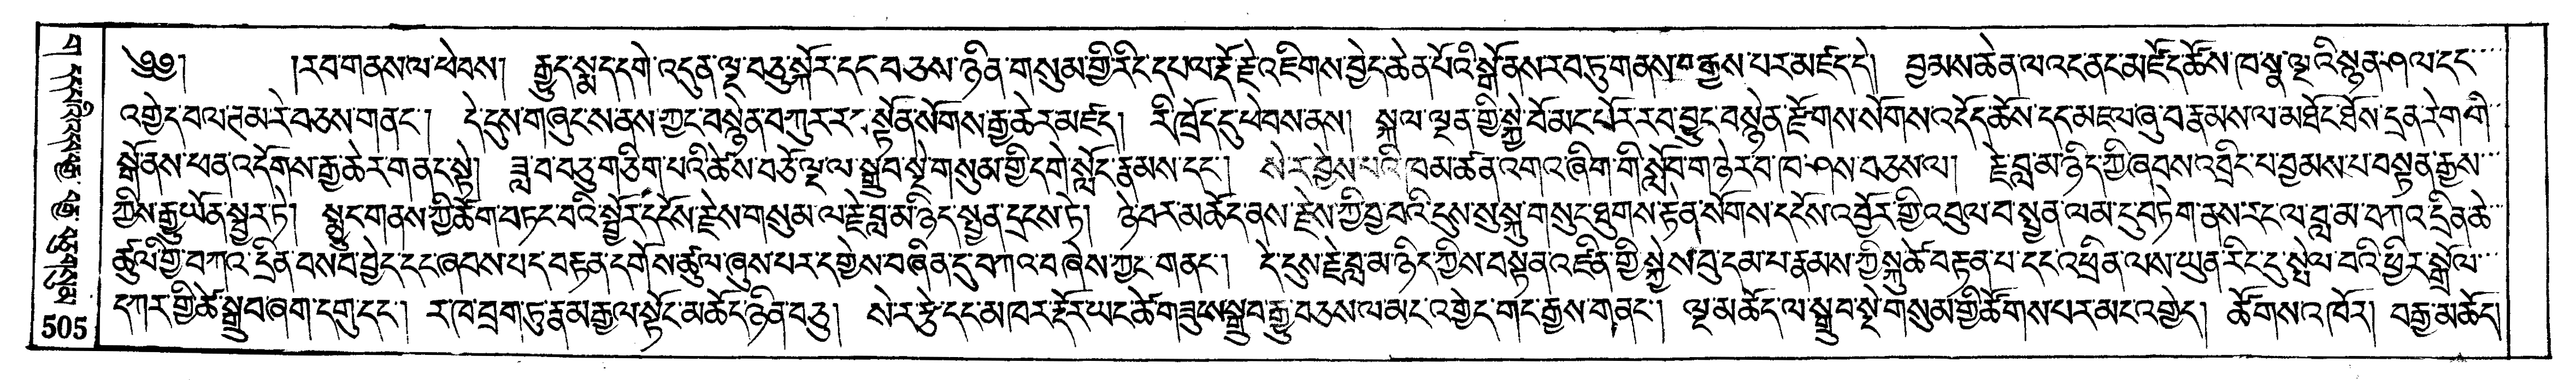༄༅། །རབ་གནས་ལ་ཕེབས། རྒྱུད་སྨད་དགེ་འདུན་ལྔ་བཅུ་སྐོར་དང་བཅས་ཉིན་གསུམ་གྱི་རིང་དཔལ་རྡོ་རྗེ་འཇིགས་བྱེད་ཆེན་པོའི་སྒོ་ནས་རབ་ཏུ་གནས་པ་རྒྱས་པར་མཛད་དེ། བྱམས་ཆེན་ལའང་ནང་མཛོད་ཚོས་ཁ་སྣ་ལྔའི་སྙན་ཤལ་དང་
འགྱེད་བལ་ཊམ་རེ་བཅས་གནང་། དེ་དུས་གཞུང་ས་ནས་ཀྱང་བསྙེན་བཀུར་རབ་སྟོན་སོགས་རྒྱ་ཆེར་མཛད། རི་ཁྲོད་དུ་ཕེབས་ནས། སྐལ་ལྡན་གྱི་སྐྱེ་བོ་མང་པོར་རབ་བྱུང་བསྙེན་རྫོགས་སོགས་འདོང་ཆོས་དང་མཇལ་ཞུ་བ་རྣམས་ལ་མཐོང་ཐོས་དྲན་རེག་གི་
སྒོ་ནས་ཕན་འདོགས་རྒྱ་ཆེར་གནང་སྟེ། ཟླ་བ་བཅུ་གཅིག་པའི་ཚེས་བཅོ་ལྔ་ལ་སྒྲུབ་སྡེ་གསུམ་གྱི་དགེ་སློང་རྣམས་དང་། སེར་བྱེས་པའི་ཁམ་ཚན་འགའ་ཞིག་གི་སློབ་གཉེར་བ་ཁ་ཤས་བཅས་ལ། རྗེ་བླ་མ་ཉིད་ཀྱི་ཞབས་འབྲིང་པ་བྱམས་པ་བསྟན་རྒྱས་
ཀྱིས་རྒྱུ་ཡོན་སྦྱར་ཏེ། སྨྱུང་གནས་ཀྱི་ཆོ་ག་བཏང་བའི་སྦྱོར་དངོས་རྗེས་གསུམ་ལ་རྗེ་བླ་མ་ཉིད་སྤྱན་དྲངས་ཏེ། ཉེ་བར་མཆོད་ནས་རྗེས་ཀྱི་བྱ་བའི་དུས་སུ་སྐུ་གསུང་ཐུགས་རྟེན་སོགས་དངོས་འབྱོར་གྱི་འབུལ་བ་སྤྱན་ལམ་དུ་བཏེག་ནས་རང་ལ་བླ་མ་བཀའ་དྲིན་ཆེ་
ཚུལ་གྱི་བཀའ་དྲིན་བས་བ་བྱེད་དང་ཞབས་པད་བརྟན་དགོས་ཚུལ་ཞུས་པར་དགྱེས་བཞིན་དུ་བཀའ་བ་ཞེས་ཀྱང་གནང་། དེ་དུས་རྗེ་བླ་མ་ཉིད་ཀྱིས་བསྟན་འཛིན་གྱི་སྐྱེས་བུ་དམ་པ་རྣམས་ཀྱི་སྐུ་ཚེ་བརྟན་པ་དང་འཕྲིན་ལས་ཡུན་རིང་དུ་སྤེལ་བའི་ཕྱིར་སྒྲོལ་
དཀར་གྱི་ཚ་སྒྲུབ་ཞག་དགུ་དང་། ར་ཁ་བྲག་ཏུ་རྣམ་རྒྱལ་སྟོང་མཆོད་ཉིན་བཅུ། སེར་རྩེ་དང་མཁར་རྡོར་ཡང་ཚེ་གཟུངས་སྒྲུབ་བཅས་ལ་མང་འགྱེད་གང་རྒྱས་གནང་། ལྔ་མཆོད་ལ་སྒྲུབ་སྡེ་གསུམ་གྱི་ཚོགས་པར་མང་འགྱེད། ཚོགས་འཁོར། བརྒྱ་མཆོད་